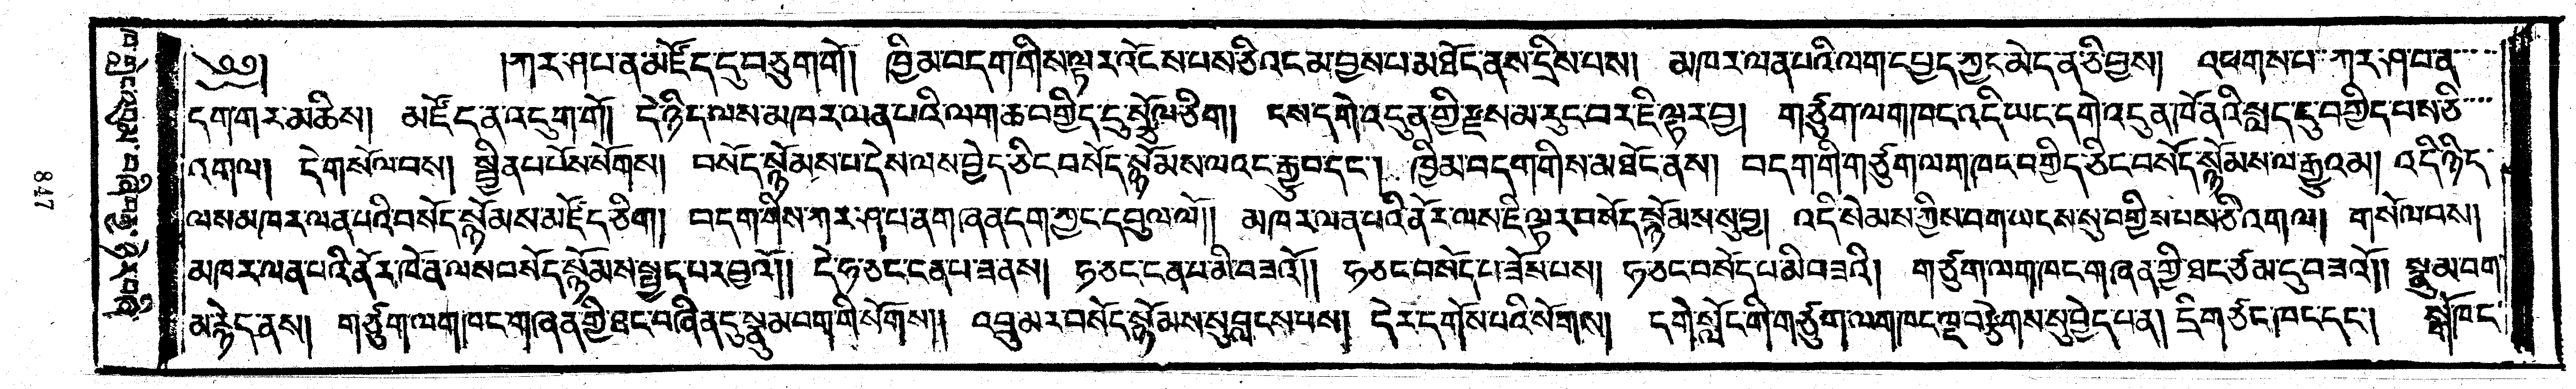༄༅། །ཀར་ཤ་པ་ན་མཛོད་དུ་བཅུག་གོ། ཁྱིམ་བདག་གིས་ལྟར་འོངས་པས་ཅིའང་མ་བྱས་པ་མཐོང་ནས་དྲིས་པས། མཁར་ལན་པའི་ལག་དཔྱད་ཀྱང་མེད་ན་ཅི་བྱས། འཕགས་པ་ཀར་ཤ་བ་ན་
དག་གར་མཆིས། མཛོད་ན་འདུག་གོ། དེ་ཉིད་ལས་མཁར་ལན་པའི་ལག་ཆ་བགྱིད་དུ་སྩོལ་ཅིག། ངས་དགེ་འདུན་གྱི་རྫས་མ་རུང་བར་ཇི་ལྟར་བྱ། གཙུག་ལག་ཁང་འདི་ཡང་དགེ་འདུན་ཁོ་ནའི་སླད་དུ་བགྱིད་པས་ཅི་
འགལ། དེ་གསོལ་བས། སྦྱིན་པ་པོས་སོགས། བསོད་སྙོམས་པ་དེས་ལས་བྱེད་ཅིང་བསོད་སྙོམས་ལའང་རྒྱུ་བ་དང་། ཁྱིམ་བདག་གིས་མཐོང་ནས། བདག་གི་གཙུག་ལག་ཁང་བགྱིད་ཅིང་བསོད་སྙོམས་ལ་རྒྱུའམ། འདི་ཉིད་
ལས་མཁར་ལན་པའི་བསོད་སྙོམས་མཛོད་ཅིག། བདག་གིས་ཀར་ཤ་པ་ན་གཞན་དག་ཀྱང་དབུལ་ལོ།། མཁར་ལན་པའི་ནོར་ལས་ཇི་ལྟར་བསོད་སྙོམས་སུ་བྱ། འདི་སེམས་ཀྱིས་བག་ཡངས་སུ་བགྱིས་པས་ཅི་འགལ། གསོལ་བས།
མཁར་ལན་པའི་ནོར་ཁོ་ན་ལས་བསོད་སྙོམས་སྤྱད་པར་བྱའོ།། དེ་ཧ་ཅང་ངན་པ་ཟ་ནས། ཧ་ཅང་ངན་པ་མི་བཟའོ།། ཧ་ཅང་བསོད་པ་ཟོས་པས། ཧ་ཅང་བསོད་པ་མི་བཟའི། གཙུག་ལག་ཁང་གཞན་གྱི་ཐང་ཙམ་དུ་བཟའོ།། སྣུམ་བག་
མ་རྙེད་ནས། གཙུག་ལག་ཁང་གཞན་གྱི་ཐང་བཞིན་དུ་སྣུམ་བག་གི་སོགས།། འབྲུ་མར་བསོད་སྙོམས་སུ་བླངས་པས། དེར་དགོས་པའི་སོགས། དགེ་སློང་གི་གཙུག་ལག་ཁང་ལྔ་བརྩེགས་སུ་བྱེད་པ་ན། དྲི་གཙང་ཁང་དང་། སྒོ་ཁང་